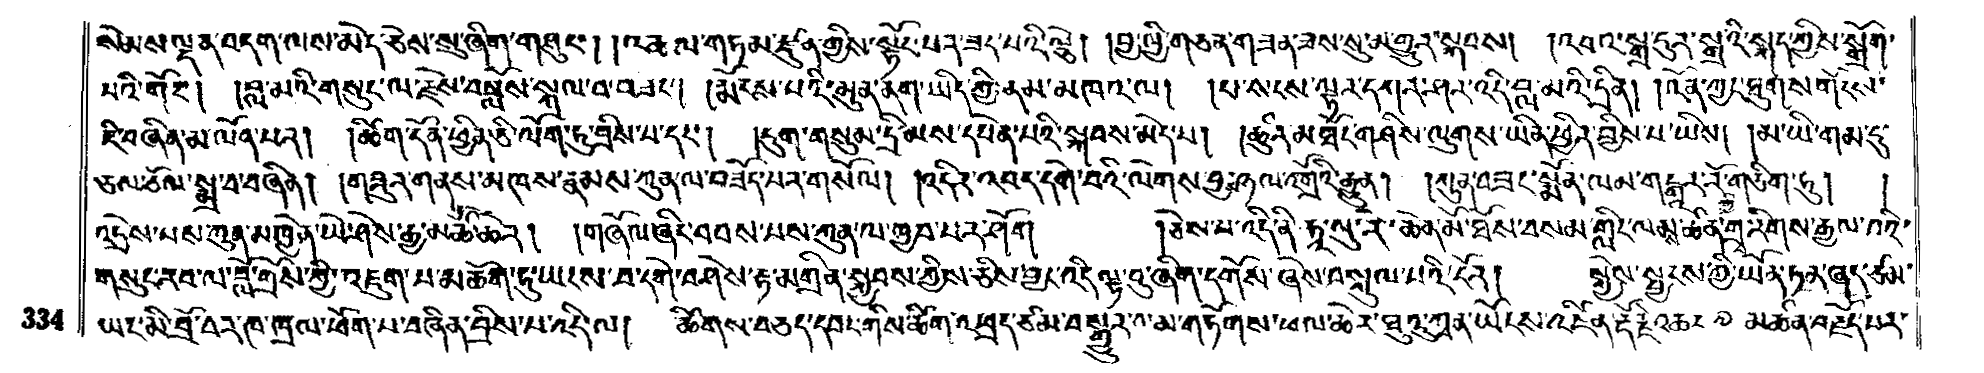སེམས་ལྡན་བདག་ལས་མེད་ཅེས་སུ་ཞིག་གཤུང་། །འཆལ་གཏམ་རྫུན་གྱིས་སྟོང་པར་ཟང་པའི་ལྕེ། །བྱ་ཁྱི་གཅན་གཟན་ཟས་སུ་མ་གྱུར་སྐབས། །འབའ་སྒྲ་དུར་སྒྲའི་སྐད་ཀྱིས་སྒྲོག་
པའི་གོང་། །བླ་མའི་གསུང་ལ་རྗེས་བསློས་སྐལ་བ་བཟང་། །རྨོངས་པའི་མུན་ནག་ཡིད་ཀྱི་ནམ་མཁའ་ལ། །པ་སངས་ལྟར་དཀར་ཤར་འདི་བླ་མའི་དྲིན། །འོན་ཀྱང་ཐུགས་གོངས་
ཇི་བཞིན་མ་ལོན་པར། །ཚིག་དོན་ཕྱིན་ཅི་ལོག་ཏུ་བྲིས་པ་དང་། །དུག་གསུམ་དྲི་མས་དཔེན་པའི་སྐབས་མེད་པ། །ཚུར་མཐོང་གཤིས་ལུགས་ཡིན་ཕྱིར་བྱིས་པ་ཡིས། །མ་ཡི་གམ་དུ་
ཅལ་ཅོལ་སྨྲ་བ་བཞིན། །གཟུར་གནས་མཁས་རྣམས་ཀུན་ལ་བཟོད་པར་གསོལ། །འདིར་འབད་དགེ་བའི་ལེགས་བྱ་ཉལ་འགྲོའི་རྒྱུན། །ཀུན་བཟང་སྨོན་ལམ་གངྒཱར་རོ་གྱི་གཅིག་ཏུ། །
འདྲེས་པས་ཀུན་མཁྱེན་ཡེ་ཤེས་རྒྱ་མཚོ་ཆེར། །གཞོལ་ཞིང་བབས་པས་ཀུན་ལ་ཁྱབ་པར་ཤོག །ཅེས་པ་འདི་ནི་ཏཱ་ལུ་རེ་ཆེན་མོ་ཐོས་བསམ་གླིང་ལམས་ཚན་གྱི་གྲྭ་རིགས་རྒྱལ་བའི་
གསུང་རབ་ལ་བློ་གྲོས་ཀྱི་འཇུག་པ་མཆོག་ཏུ་ཡངས་བ་དགེ་བཤེས་རྟ་མགྲིན་སྐྱབས་ཀྱིས་ཅིས་བྱང་འདི་ལྟ་བུ་ཞིག་དགོས་ཞེས་བསྐུལ་པའི་དོན། སྐྱེས་སྦྱངས་ཀྱི་ཡོན་ཏན་ཞད་ཙམ་
ཡང་མི་བྲོ་བར་ཁ་ཁྲལ་ཕོག་པ་བཞིན་བྲིས་པ་འདི་ལ། ཚིགས་བཅད་དབང་གིས་ཚིག་འཕྲད་ཙམ་བསྒྱུར་ལམ་གཏོགས་ཕལ་ཆེར་ཐུའུ་ཀྭན་ཡོངས་འཛིན་རྡོ་རྗེ་འཆང ༧་མཚན་བརྗོད་པར་